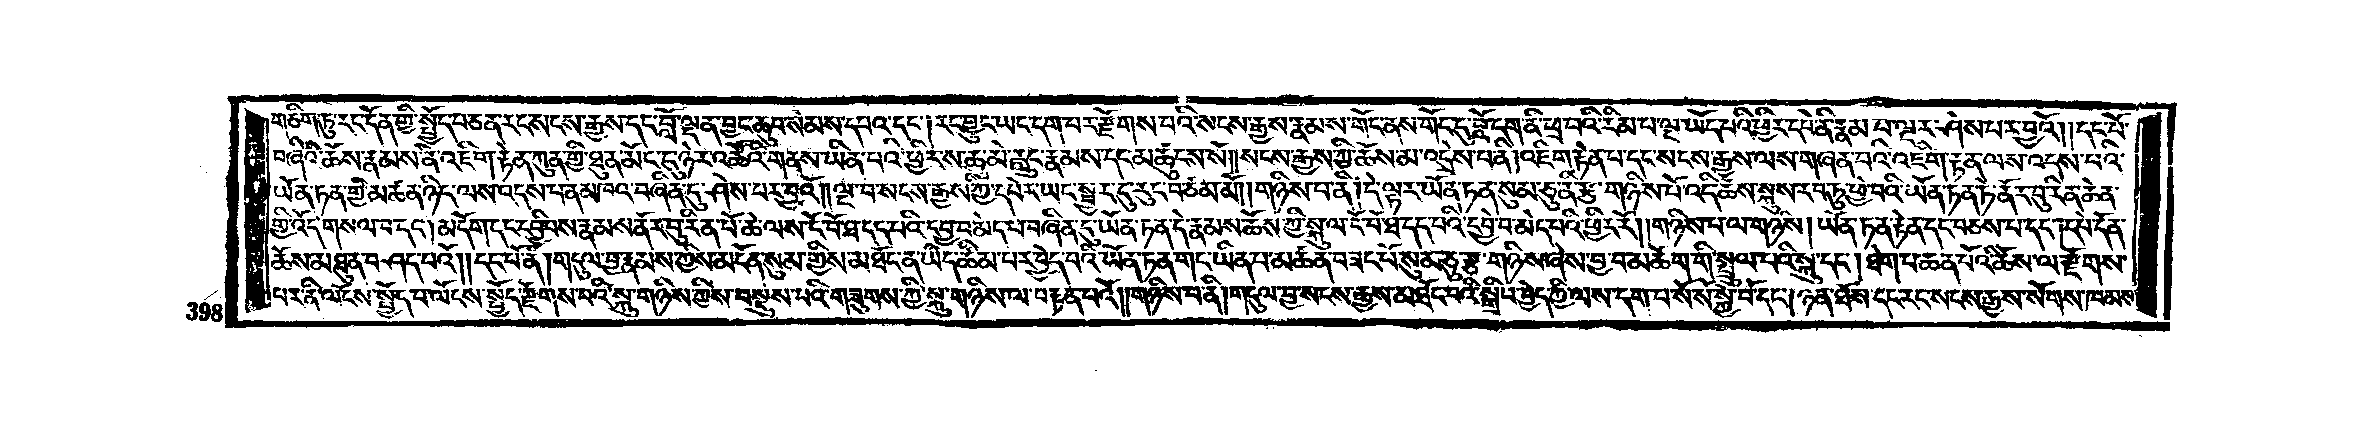གཅིག་ཏུ་རང་དོན་གྱི་སྤྱོད་པ་ཅན་རང་སངས་རྒྱས་དང་བློ་ལྡན་བྱང་ཆུབ་སེམས་དཔའ་དང་། རང་བྱུང་ཡང་དག་པར་རྫོགས་པའི་སངས་རྒྱས་རྣམས་གོང་ནས་གོང་དུ་བློ་དག་ནི་ཕྲ་བའི་རིམ་པ་ལྔ་ཡོད་པའི་ཕྱིར་དཔེ་ནི་རྣམ་པ་ལྔར་ཤེས་པར་བྱའོ། །དང་པོ་
བཞིའི་ཆོས་རྣམས་ནི་འཇིག་རྟེན་ཀུན་གྱི་ཐུན་མོང་དུ་ཉེར་འཚོའི་གནས་ཡིན་པའི་ཕྱིར་ས་ཆུ་མེ་རླུང་རྣམས་དང་མཚུངས་སོ། །སངས་རྒྱས་ཀྱི་ཆོས་མ་འདྲེས་པ་ནི། འཇིག་རྟེན་པ་དང་སངས་རྒྱས་ལས་གཞན་པའི་འཇིག་རྟེན་ལས་འདས་པའི་
ཡོན་ཏན་གྱི་མཚན་ཉིད་ལས་འདས་པ་ནམ་མཁའ་བཞིན་དུ་ཤེས་པར་བྱའོ། །ལྔ་པ་སངས་རྒྱས་ཀྱི་དཔེར་ཡང་སྦྱར་དུ་རུང་བ་ཙམ་མོ། །གཉིས་པ་ནི། དེ་ལྟར་ཡོན་ཏན་སུམ་ཅུ་ནི་རྩ་གཉིས་པོ་འདི་ཆོས་སྐུས་རབ་ཏུ་ཕྱེ་བའི་ཡོན་ཏན་ཏེ་ནོར་བུ་རིན་ཆེན་
གྱི་འོད་གསལ་བ་དང་། མདོག་དང་དབྱིབས་རྣམས་ནོར་བུ་རིན་པོ་ཆེ་ལས་ངོ་བོ་ཐ་དད་པའི་དབྱེ་བ་མེད་པ་བཞིན་དུ་ཡོན་ཏན་དེ་རྣམས་ཆོས་ཀྱི་སྐུ་ལ་ངོ་བོ་ཐ་དད་པའི་དབྱེ་བ་མེད་པའི་ཕྱིར་རོ། །གཉིས་པ་ལ་གཉིས། ཡོན་ཏན་རྟེན་དང་བཅས་པ་དང་། དཔེ་དོན་
ཆོས་མཐུན་བཤད་པའོ། །དང་པོ་ནི། གདུལ་བྱ་རྣམས་ཀྱིས་མངོན་སུམ་གྱིས་མཐོང་ན་ཡིད་ཚིམ་པར་བྱེད་པའི་ཡོན་ཏན་གང་ཡིན་པ་མཚན་བཟང་པོ་སུམ་ཅུ་རྩ་གཉིས་ཞེས་བྱ་བ་མཆོག་གི་སྤྲུལ་པའི་སྐུ་དང་། ཐེག་པ་ཆེན་པོའི་ཆོས་ལ་རྫོགས་
པར་ནི་ལོངས་སྤྱོད་པ་ལོངས་སྤྱོད་རྫོགས་པའི་སྐུ་གཉིས་ཀྱིས་བསྡུས་པའི་གཟུགས་ཀྱི་སྐུ་གཉིས་ལ་བརྟན་པའོ། །གཉིས་པ་ནི། གདུལ་བྱ་སངས་རྒྱས་མཐོང་བའི་སྒྲིབ་བྱེད་ཀྱི་ལས་དག་པ་སོ་སོ་སྐྱེ་བོ་དང་། ཉན་ཐོས་དང་རང་སངས་རྒྱས་སོགས་ཁམས་